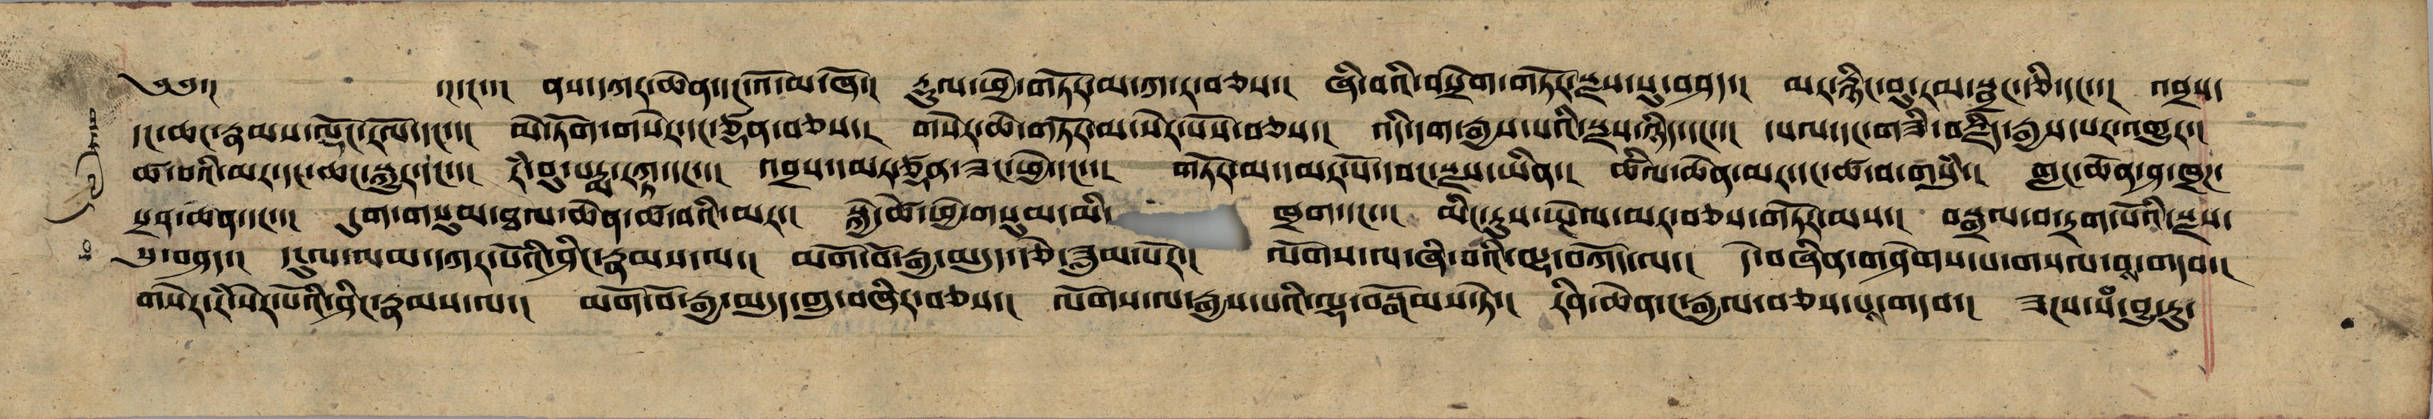༄༅་། ་།དང་་། ནས་དཀར་ཆེན་དང་འོ་མ་ཞོ་། རྡུལ་ཕྱེ་གཏོར་མ་ཀ་ར་བཅས་། ཞི་བའི་བསྲེག་གཏོར་སྫས་སུ་བཤད་། མར་རྙིང་བུ་རམ་སྦྲང་རྩི་དང་་། འབྲས་
དང་ཆང་རྣམས་ལྡོང་རོལ་དང་་། མེ་ཏོག་གསེར་དང་ཙནྡ་བཅས་། གསེར་ཆེ་གཏོར་མ་སེར་པོས་བཅས་། འདི་དག་རྒྱས་པའི་སྫས་ཉིད་དང་་། དཔལ་དང་གཟི་བརྗིད་རྒྱས་པར་འགྱུར་།
ཚ་བའི་མར་དང་ཆང་སྐྱུར་དང་་། རཾ་བུ་པདྨ་རཀྟ་དང་་། འབྲས་དམར་ཙནྡ་ཟང་ཕྱེ་དང་་། གཏོར་མ་དམར་པོ་དབང་སྫས་ཡིན་། ཚིལ་ཆེན་མར་དང་ཚ་བ་གསུཾ་། གླང་ཆེན་ཤ་ཁྲཌ་
པྲན་ཆེན་དང་་། དུག་གསུམ་ཐལ་ཆེན་ཚ་བའི་མར་། སྐྱེ་ཚེ་ཕྱེ་གསུམ་མི་ ཁྲག་དང་་། མིང་རུས་སྤེལ་མར་བཅས་གཏོར་མས་། བསྒྲལ་བ་དྲག་པོའི་སྫས་
སུ་བཤད་། དངུལ་ལམ་དཀར་པོའི་ཤིང་རྣམས་ལ་། མགོ་བོ་རྒྱ་མདུད་རྩེ་ཟླུམ་པོར་། ལོགས་ལ་ཞི་བའི་ལྷ་བཀོད་ལ་། དེ་བཞིན་གཤེགས་པ་གསལ་བས་གདབ་།
གསེར་རི་སེར་པོའི་ཤིང་རྣམས་ལ་། མགོ་བོ་རྒྱ་མདུད་གྲུ་བཞིར་བཅས་། ལོགས་ལ་རྒྱས་པའི་ལྷ་བསྒོམས་ཏེ་། རིན་ཆེན་ང་རྒྱལ་བཅས་པས་གདབ་། ཟངས་སཾ་བྱུ་རུ་